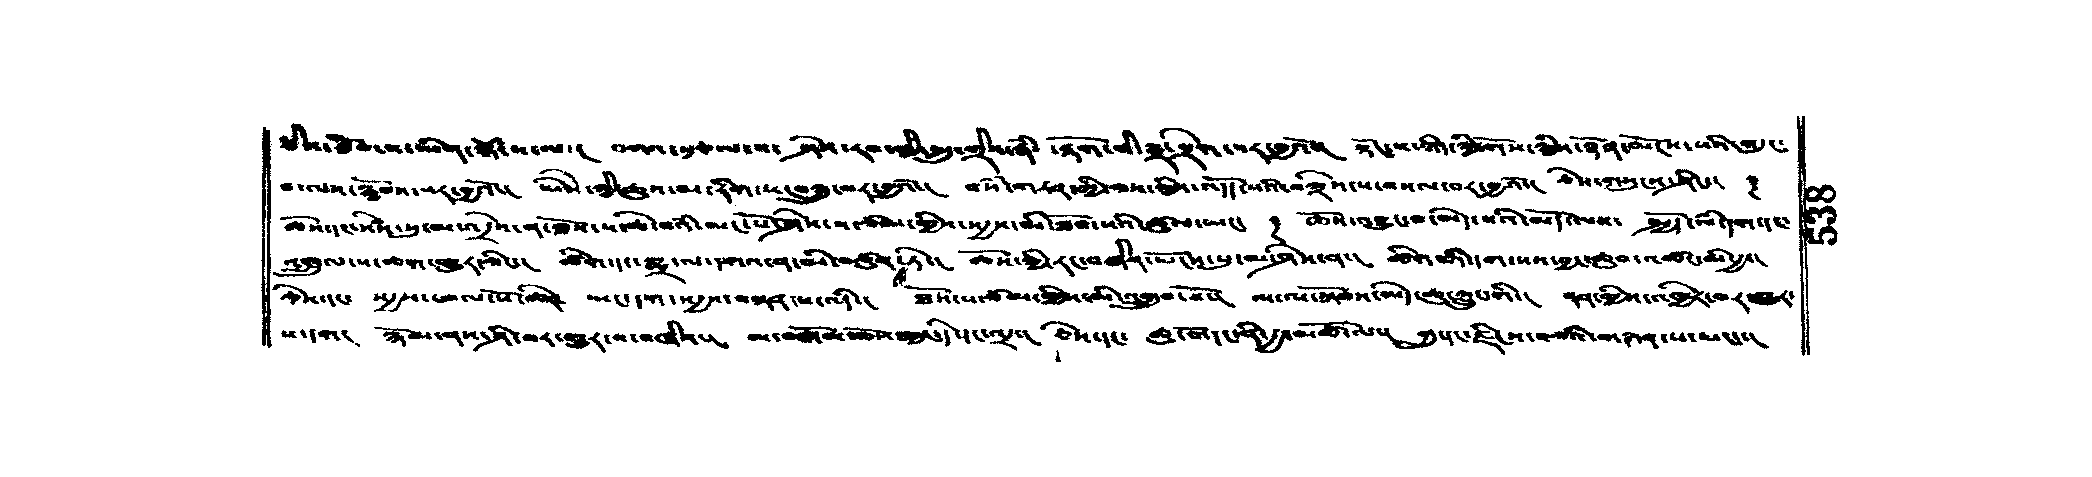ཅིས་ཐོབ་པ་ཡིན་སྙམ་པ་ལ། བཀའ་སྩལ་པ། ཤེས་རབ་ཀྱི་སྤུ་གྲིས་རྣམ་རྟོག་གི་སྐྲ་འབྲེག་པར་བྱའོ། སྟོང་པ་ཉིད་ཀྱི་གོས་ཀྱིས་ཉོན་མོངས་པའི་གདུང་
བ་ལས་སྐྱོབས་པར་བྱའོ། ཡེ་ཤེས་ཀྱི་ཆུས་མ་རིག་པ་བཀྲུ་བར་བྱའོ། བསམ་གཏན་གྱི་ཟས་ཀྱིས་འདོད་པའི་བཀྲེས་པ་བསལ་བར་བྱའོ། ཞེས་གསུངས་ཤིང་། 
ཆོས་དང་སེམས་མ་འདྲེས་ན་ཐོས་པ་ཆེ་བའམ་མང་པོ་ཤེས་པ་ཙམ་གྱིས་སངས་རྒྱས་མི་ཐོབ་པའི་ཚུལ་ཡང་། ཆོས་འབྱུང་བ་མེད་པའི་མདོ་ལས། སྤྱོད་ལམ་དག་དང་
འཁྲུལ་པ་ཆག་གྱུར་ཅིང་། །ཚིག་དང་སྨྲ་ལ་དགའ་ན་མི་བཙུན་ཏེ། །ཆོས་ཀྱི་རང་བཞིན་ཡོངས་སུ་མ་ཤེས་ན། །ཚིག་གི་དག་པས་བྱང་ཆུབ་འཚང་མི་རྒྱ། 
ཞེས་དང་།སངས་རྒྱས་ཕལ་པོ་ཆེར། ཡང་དག་སངས་རྒྱས་བསྟན་པ་འདི། །ཐོས་པ་ཙམ་གྱིས་མི་འགྲུབ་བོ། །ལ་ལ་སྟོབས་མེད་ཆུ་ཀླུང་གི །ནན་གྱིས་འཁྱེར་བར་གྱུར་
པ་དག །སྐོམ་ནས་ཤི་བར་གྱུར་བ་བཞིན། །མ་བསྒོམ་ཆོས་ཀྱང་དེ་དང་འདྲ། ཅཞས་དང་། ཆུ་བོ་དང་ནི་རྒྱ་མཚོ་ལ། །གྲུ་དང་གཟིངས་བཅའི་གཉན་པ་ཡང་།